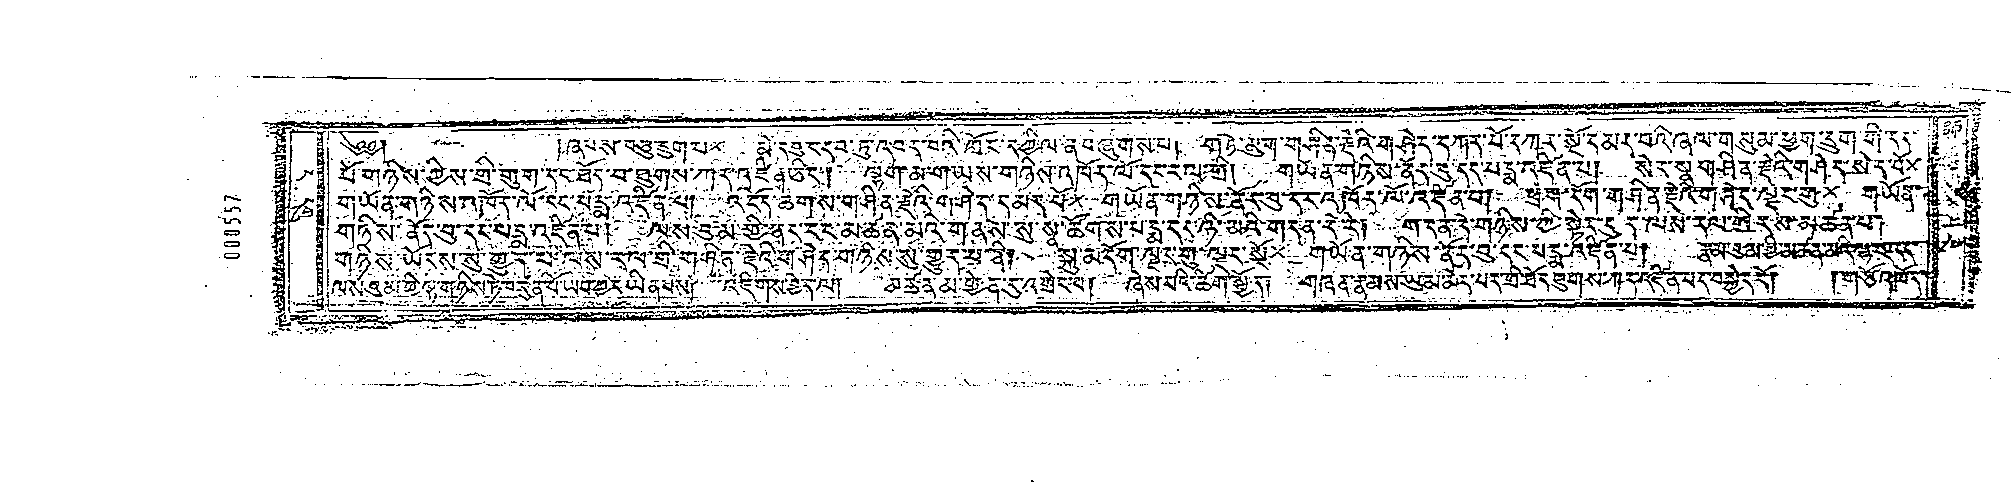༄༅། །ཞབས་བཅུ་དྲུག་པ་྾་མེ་དཔུང་རབ་ཏུ་འབར་པའི་གློང་དཀྱིལ་ན་བཞུགས་པ། གཏི་མུག་གཤིན་རྗེའི་གཤེད་དཀར་པོ་དཀར་སྔོ་དམར་བའི་ཞལ་གསུམ་ཕྱག་དྲུག་གི་དང་
པོ་གཉིས་ཀྱིས་གྲི་གུག་དང་ཐོད་བ་ཐུགས་ཀར་འཛིན་ཅིང་། ལྷག་མ་གཡས་གཉིས་འཁོར་ལོ་དང་རལ་གྲི། གཡོན་གཉིས་ནོར་བུ་དང་པདམ་འཛིན་པ། སེར་སྣ་གཤིན་རྗེའི་གཤེད་སེར་པོ་྾་
གཡོན་གཉིས་འཁོར་ལོ་དང་པདམ་འཛིན་པ། འདོད་ཆགས་གཤིན་རྗེའི་གཤེད་དམར་པོ་྾་གཡོན་གཉིས་ནོར་བུ་དང་འཁོར་ལོ་འཛིན་པ། ཕྲག་དོག་གཤིན་རྗེའི་གཤེད་ལྗང་གུ་྾་གཡོན་
གཉིས་ནོར་བུ་དང་པདམ་འཛིན་པ། ལས་བུམ་གྱི་ནང་ངང་མཚན་མའི་གནས་སུ་སྣ་ཚོགས་པདམ་དང་ཉི་མའི་གདན་ར་རེ། གདན་དེ་གཉིས་ཀྱི་སྟེང་དུ་ར་ལས་རལ་གྲི་རེས་མཚན་པ་
གཉིས་ཡོངས་སུ་གྱུར་པ་ལས་རལ་གྲི་གཤིན་རྗེའི་གཤེད་གཉིས་སུ་གྱུར་པ་ནི། སྐུ་མདོག་ལྗང་གུ་ལྗང་སྔོ་྾་གཡོན་གཉིས་ནོར་བུ་དང་པདམ་འཛིན་པ། རྣམ་བུམ་གྱི་མཚན་མའི་ལྷ་ལྔ་དང་
ལས་བུམ་གྱི་ལྟ་གཉིས་ཏེ་བདུན་པོ་ཡབ་ཀྱང་ཡིན་པས། འཇིགས་བྱེད་ལ། མཚན་མ་གྱེན་དུ་འགྲེང་བ། ཞེས་པའི་ཚིག་སྤྱོད། གཞན་རྣམས་ཡུམ་མེད་པར་གྲི་ཐོད་ཐུགས་ཀར་འཛིན་པར་བསྐྱེད་དོ། །གཙོ་འཁོར་